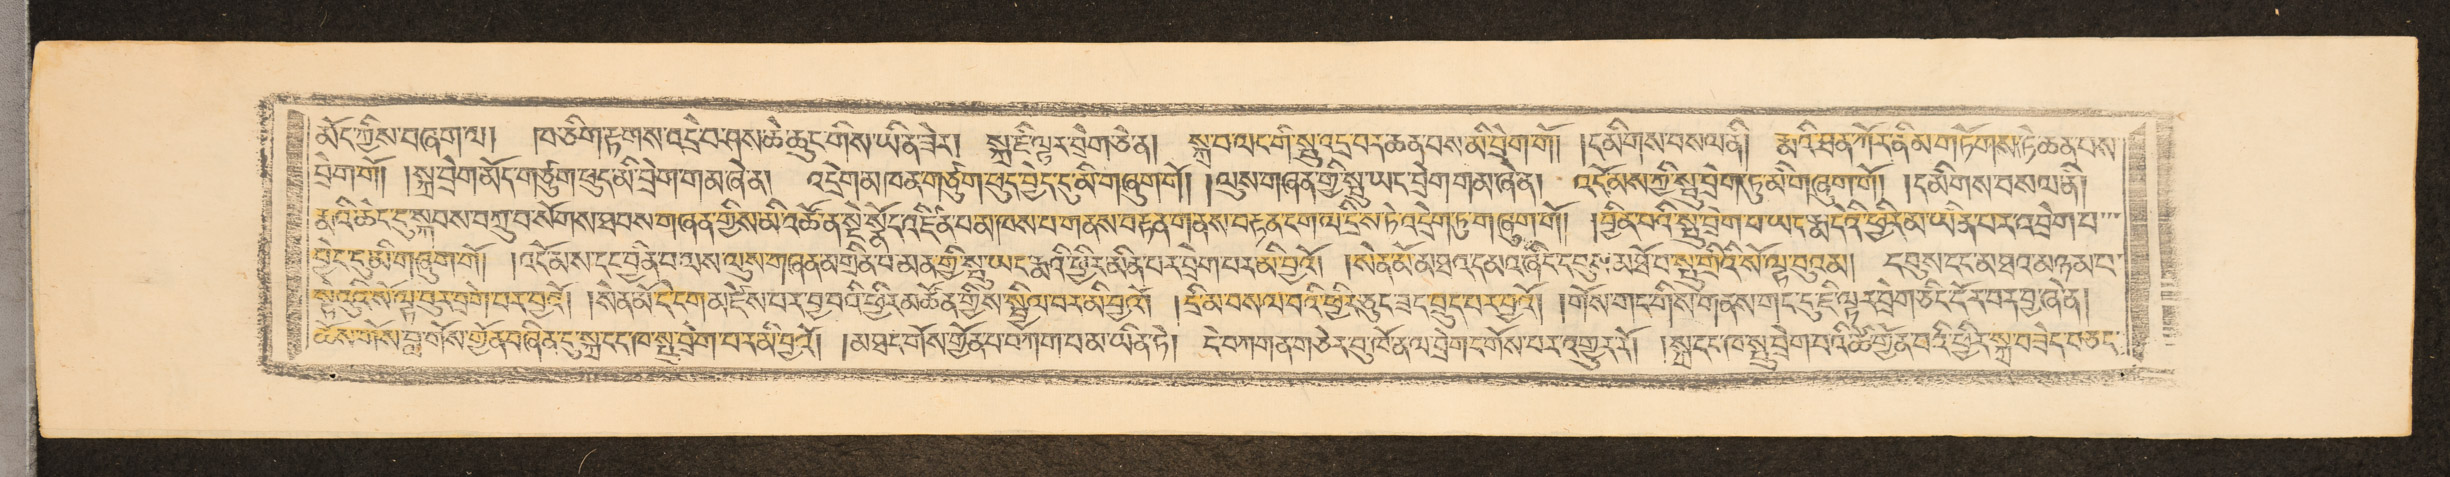མོད་ཀྱིས་བཞག་ལ། ཁ་ཅིག་རྟགས་འདྲེ་བཤས་ཆེ་ཆུང་གིས་ཡིན་ཟེར། སྐྲ་ཇི་ལྟར་བྲེག་ཅེ་ན། སྐྲ་བ་ལང་གི་སྤུ་འདྲ་བར་ཆན་པས་མི་བྲེག་གོ། །དམིགས་བསལ་ནི། རྨའི་ཐན་ཀོར་ནི་མ་གཏོགས་ཏེ་ཆན་པས་
བྲེག་གོ། །སྐྲ་བྲེག་མོད་གཙུག་ཕུད་མི་བྲེག་གམ་ཞེ་ན། འདྲེག་མཁན་གཙུག་ཕུང་བྱེད་དུ་མི་གཞུག་གོ། །ལུས་གཞན་གྱི་སྤུ་ཡང་བྲེག་གམ་ཞེ་ན། འདོམས་ཀྱི་སྤུ་བྲེག་ཏུ་མི་གཞུག་གོ། །དམིགས་བསལ་ནི།
རྨའི་ཆེད་དུ་སྐབས་བཀྲུ་བ་སོགས་ཐབས་གཞན་གྱིས་མི་འཚོ་ན་སྡེ་སྣོད་འཛིན་པ་མཁས་པ་གནས་བརྟན་གནས་བརྟན་དག་ལ་དྲིས་ཏེ་འདྲེག་ཏུ་གཞུག་གོ། །བྱིན་པའི་སྤུ་བྲེག་པ་ཡང་རྨ་དེའི་ཕྱིར་མ་ཡིན་པར་འབྲེག་པ་
བྱེད་དུ་མི་གཞུག་གོ། །འདོམས་དང་བྱིན་པ་ལས་ལུས་གཞན་མགྲིན་པ་མན་གྱི་སྤུ་ཡང་རྨའི་ཕྱིར་མིན་པར་བྲེག་པར་མི་བྱའོ། །སེན་མོ་མཐའ་དམའ་ཞིང་དབུས་མཐོ་བ་སྤུ་གྲིའི་སོ་ལྟ་བུའམ། དབུས་དང་མཐའ་མཉམ་པ་
སྟེའུའི་སོ་ལྟ་བུར་བྲེག་པར་བྱའོ། །སེན་མོ་དེ་དག་མཛེས་པར་བྱ་བའི་ཕྱིར་མཚོན་གྱིས་སྤྱིལ་བར་མི་བྱའོ། །དྲི་མ་བསལ་བའི་ཕྱིར་ཅུང་ཟད་བྲུད་པར་བྱའོ། །གོས་གང་གིས་གནས་གང་དུ་ཇི་ལྟར་བྲེག་ཅིང་དོར་བར་བྱ་ཞེ་ན།
ཆོས་གོས་བླ་གོས་གྱོན་བཞིན་དུ་སྐྲ་དང་ཁ་སྤུ་བྲེག་པར་མི་བྱའོ། །མཐང་གོས་གྱོན་པ་བཀག་པ་མ་ཡིན་ཏེ། དེ་བཀག་ན་གཅེར་བུ་ཁོ་ནལ་བྲེག་དགོས་པར་འགྱུར་རོ། །སྐྲ་དང་ཁ་སྦུ་བྲེག་པའི་ཚེ་གྱོན་པའི་ཕྱིར་སྐྲ་བཟེད་བཅང་